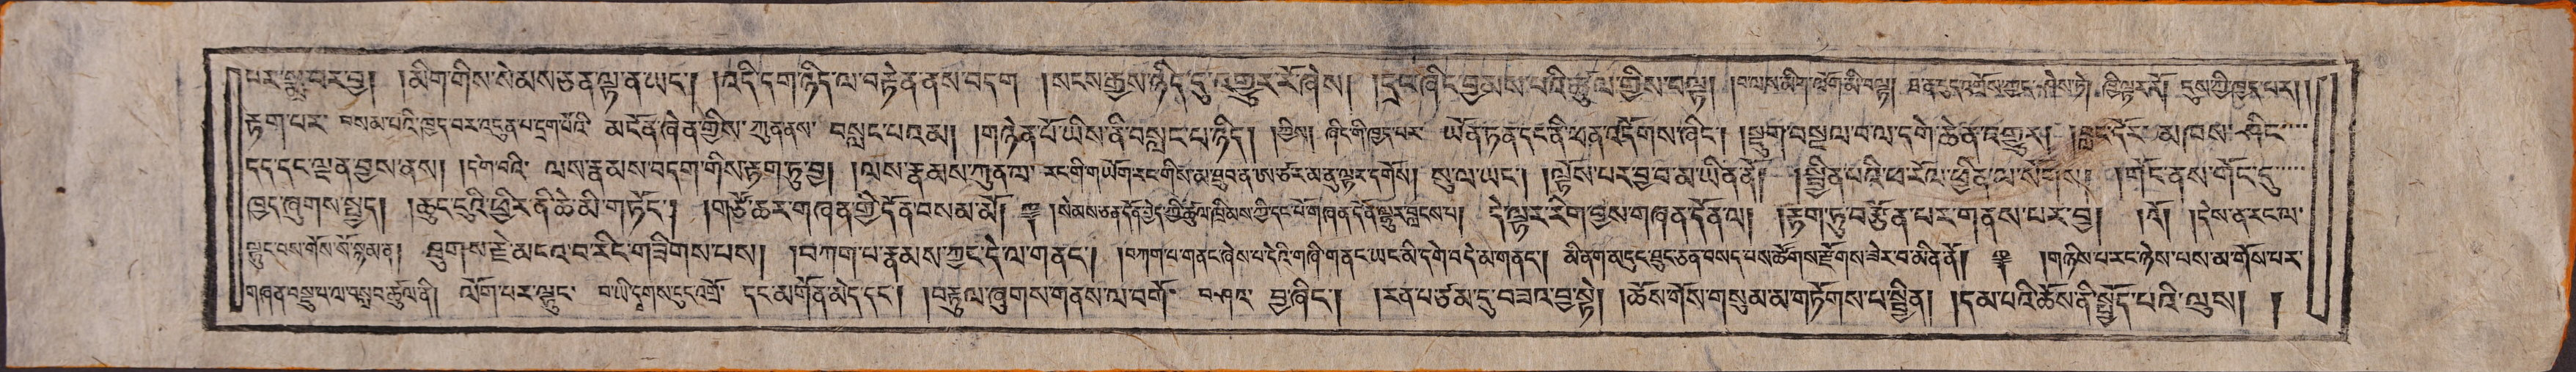པར་སྨྲ་བར་བྱ། །མིག་གིས་སེམས་ཅན་ལྟ་ན་ཡང་། །འདི་དག་ཉིད་ལ་བརྟེན་ནས་བདག །སངས་རྒྱས་ཉིད་དུ་འགྱུར་རོ་ཞེས། །དྲང་ཞིང་བྱམས་པའི་ཚུལ་གྱིས་བལྟ། །བ་ལས་མིག་ལོག་མི་བལྟ། ཐན་དུད་འགྲོས་ཀྱང་ཤེས་ཏེ། ཁྱི་ལྟར་རོ། །དུས་ཀྱི་ཁྱད་པར། རྟག་པར་
བསམ་པའི་ཁྱད་པར་འདུན་པ་དྲག་པོའི་མངོན་ཞེན་གྱིས་ཀུན་ནས་བསླང་པའམ། །གཉེན་པོ་ཡིས་ནི་བསླང་པ་ཉིད། །གྱིས། ཞིང་གི་ཁྱད་པར་ཡོན་ཏན་དང་ནི་ཕན་འདོགས་ཞིང་། །སྡུག་བསྔལ་བ་ལ་དགེ་ཆེན་འགྱུར། །བླང་དོར་མཁས་ཤིང་
དད་དང་ལྡན་བྱས་ནས། །དག་པའི་ལས་རྣམས་བདག་གིས་རྟག་ཏུ་བྱ། །ལས་རྣམས་ཀུན་ལ་རང་གི་གཡོག་རང་གིས་མ་ཐུབ་ནས་ཨ་ཙ་ར་མ་ནུ་ལྟར་དགོས། སུ་ལ་ཡང་། །ལྟོས་པར་བྱ་བ་མ་ཡིན་ནོ། སྦྱིན་པའི་ཕ་རོལ་ཕྱིར་ལ་སོགས། །གོང་
ནས་གོང་དུ་ཁྱད་ཞུགས་སྤྱད། །ཆུང་ངུའི་ཕྱིར་ནི་ཆེ་མི་གཏོང་། །གཙོ་ཆེར་གཞན་གྱི་དོན་བསམ་མོ། ༈ །སེམས་ཅན་དོན་བྱེད་ཀྱི་ཚུལ་ཁྲིམས་ཀྱི་དང་པོ་གཞན་དོན་ལྷུར་བླངས་པ། དེ་ལྟར་རིག་བྱས་གཞན་དོན་ལ། །རྟག་ཏུ་བརྩོན་པར་གནས་པར་བྱ།། འོ།།
དེས་ན་རང་ལ་ལྷུང་བས་གོས་སོ་སྙམ་ན། ཐུགས་རྗེ་མངའ་བ་རིང་གཟིགས་པས། །བཀག་པ་རྣམས་ཀྱང་དེ་ལ་གནང་། །བཀག་པ་གཅང་ཞེས་པ་དེའི་གཞི་གནང་ཡང་མི་དགེ་བ་དེ་མ་གནང་། མི་ནག་མདུང་ཐུང་ཅན་བསད་པས་ཚོགས་རྫོགས་ཟེར་བ་མིན་ནོ། ༈ །གཉིས་པ་རང་ཉེས་པས་མགོས་པར་གཞན་
བསྡུ་བ་ལ་བསླབ་ཚུལ་ནི། ལོག་པར་ལྟུང་བ་ཡི་དྭགས་དུད་འགྲོ་དང་མགོན་མེད་དང་། །བརྟུལ་ཞུགས་གནས་ལ་བགོ་བཤའ་བྱ་ཞིང་། །རང་བཙམ་དུ་བཟའ་བྱ་སྟེ། །ཆོས་གོས་གསུམ་མ་གཏོགས་པ་སྦྱིན། །དམ་པའི་ཆོས་ནི་སྤྱོད་པའི་ལུས། །